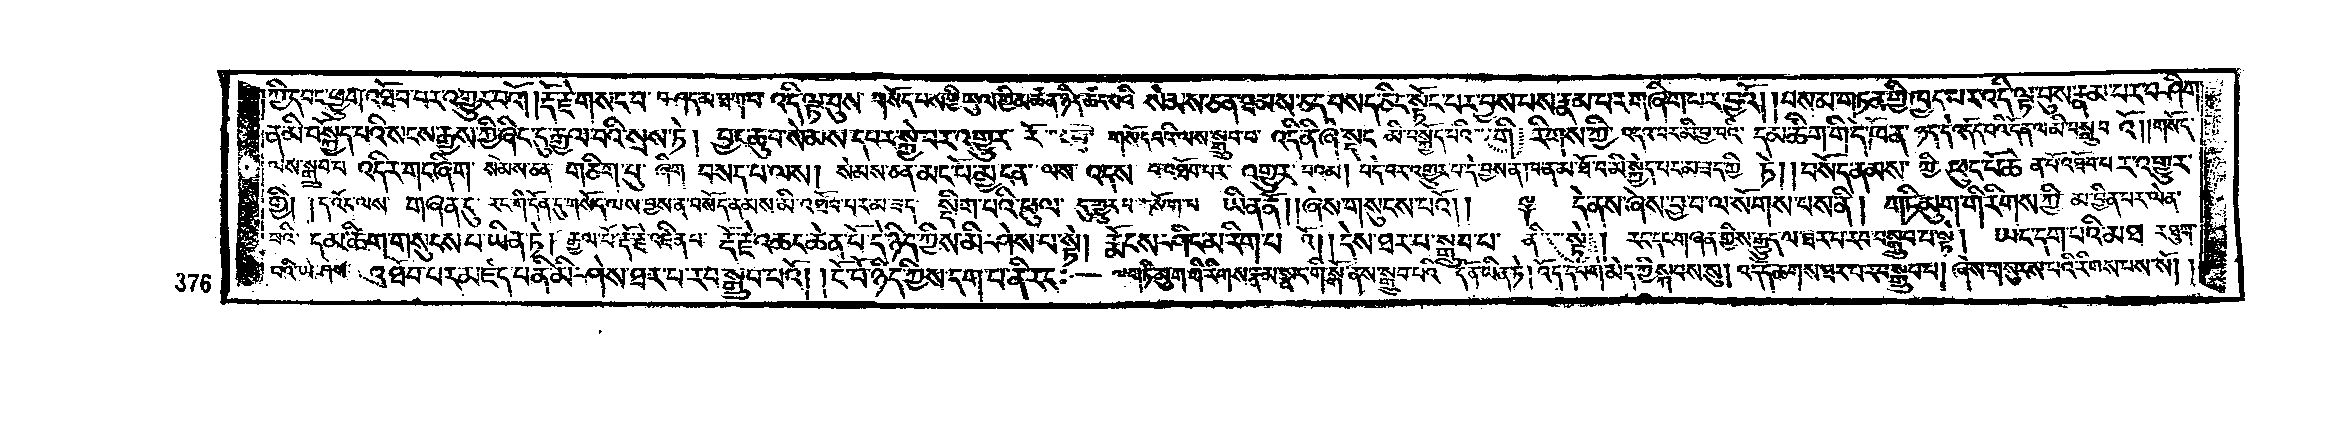ཀྱི་དབང་ཕྱག་འཐོབ་པར་འགྱུར་བའོ། །རྡོ་རྗེ་གསང་བ་བཤད་མ་ཐག་པ་འདི་ལྟ་བུས་གསོད་ལས་ཀྱི་ཡུལ་གྱི་མཚན་ཉིད་ཚང་བའི་སེམས་ཅན་ཐམས་ཅད་བསད་ཅིང་སྟོང་པར་བྱས་པས་རྣམ་པར་གཞིག་པར་བྱའོ། །བསམ་གཏན་གྱི་ཁྱད་པར་འདི་ལྟ་བུས་རྣམ་པར་བཤིག་
ན་མི་བསྐྱོད་པའི་སངས་རྒྱས་ཀྱི་ཞིང་དུ་རྒྱལ་བའི་སྲས་ཏེ། བྱང་ཆུབ་སེམས་དཔར་སྐྱེ་བར་འགྱུར་རོ་དབྱེ་?་གསོད་པའི་ལས་སྒྲུབ་པ་འདི་ནི་ཞེ་སྡང་མི་བསྐྱོད་པའི་གི་རིགས་ཀྱི་འདའ་བར་མི་བྱ་བའི་དམ་ཚིག་གི་དེ་ཁོ་ན་ཉིད་དེ་འདོད་པའི་དོན་ལ་མི་བསླུ་བའོ། །གསོད་
ལས་སྒྲུབ་པ་འདིར་གང་ཞིག་སེམས་ཅན་གཅིག་པུ་ཞིག་བསད་པ་ལས། སེམས་ཅན་མང་པོ་མྱ་ངན་ལས་འདས་པ་འཐོབ་པར་འགྱུར་བའམ། བདེ་བར་འགྱུར་པ་དེ་བྱས་ན་ཁ་ན་མ་ཐོ་བ་མི་སྐྱེད་པར་མ་ཟད་ཀྱི་ཏེ། །བསོད་ནམས་ཀྱི་ཕུང་པོ་ཆེན་པོ་འཐོབ་པར་འགྱུར་
གྱི། ། དེ་འདྲ་ལས་གཞན་དུ་རང་གི་དོན་དུ་གསོད་ལས་བྱར་ན་བསོད་ནམས་མི་འཐོབ་པར་མ་ཟད་སྡིག་པའི་ཕུལ་དུ་གྱུར་པ་གསོག་པ་ཡིན་ནོ། །ཞེས་གསུངས་པའོ།། ༈ དེ་ནས་ཞེས་བྱ་བ་ལ་སོགས་པས་ནི། གཏི་མུག་གི་རིགས་ཀྱི་མ་བྱིན་པར་ལེན་
པའི་དམ་ཚིག་གསུངས་པ་ཡིན་ཏེ། རྒྱལ་པོ་རྡོ་རྗེ་འཛིན་པ་རྡོ་རྗེ་འཆང་ཆེན་པོ་དེ་ཉིད་ཀྱིས་མི་ཤེས་པ་སྟེ། རྨོངས་ཤིང་མ་རིག་པའོ། །དེས་ཐར་པ་སྒྲུབ་པ་ནི་སྟེ། རང་དང་གཞན་གྱིས་རྒྱུད་ལ་ཐར་པ་རབ་བསྒྲུབ་པ་སྟེ། ཡང་དག་པའི་མཐར་ཐུག་
པའི་ཡེ་ཤེས་འོ་ཐོབ་པར་མཛད་པ་ནི་མི་ཤེས་ཐར་པ་རབ་སྒྲུབ་པའོ། །ངོ་བོ་ཉིད་ཀྱིས་དག་པ་ནི་རང་༧གཏི་མུག་གི་རིགས་རྣམ་སྣང་གི་སྒོ་ནས་སྒྲུབ་པའི་དོན་ཡིན་ཏེ། འོད་དཔག་མེད་ཀྱི་སྐབས་སུ། འདོད་ཆགས་ཐར་པར་བསྒྲུབ་པ། ཞེས་གསུངས་པའི་རིགས་པས་སོ། །